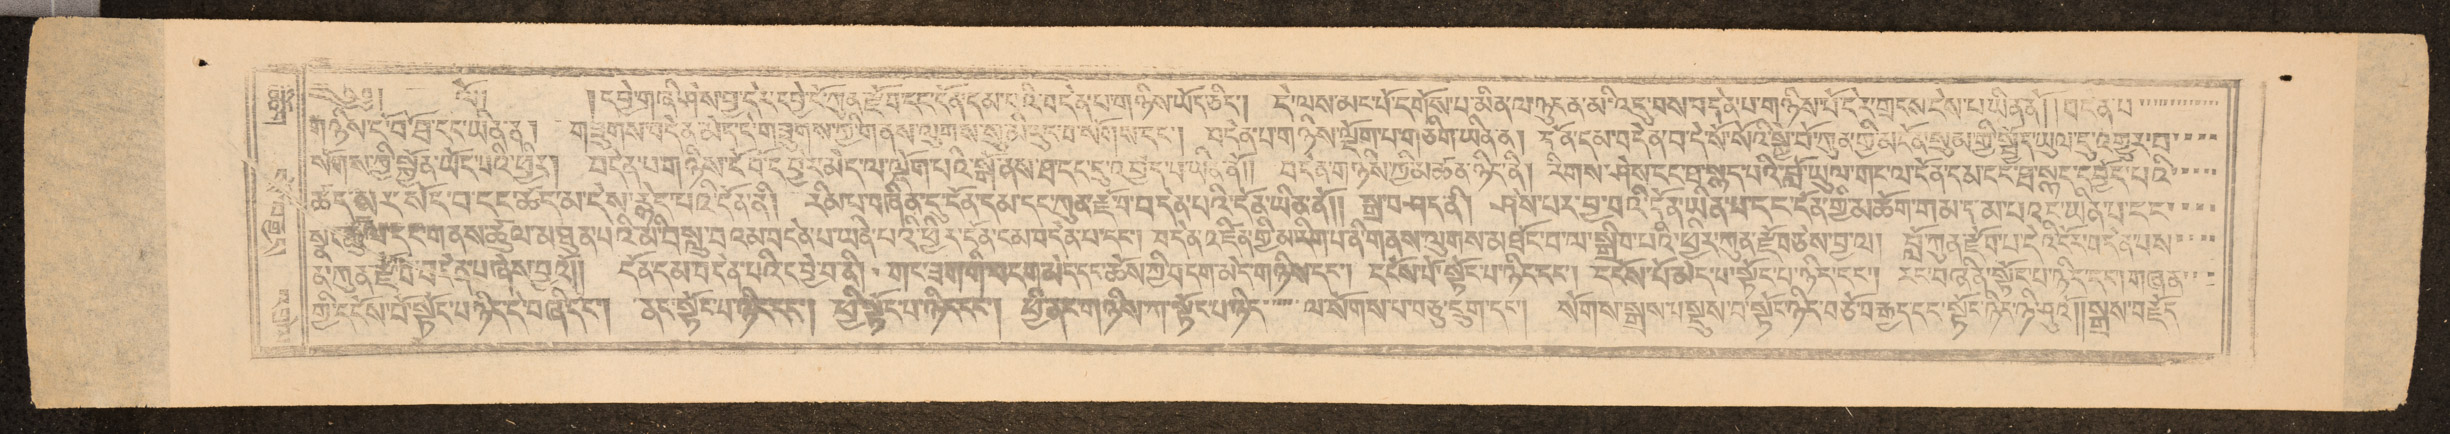༄༅། །ལོ། །དབྱེ་གཞི་ཤེས་བྱ་དེར་དབྱེ་ངོ་ཀུན་རྫོབ་དང་དོན་དམ་པའི་བདེན་པ་གཉིས་ཡོད་ཅིང་། དེ་ལས་མང་པོ་དགོས་པ་མིན་ལ་ཉུང་ན་མི་འདུ་བས་བདེན་པ་གཉིས་པོ་དེར་གྲངས་ངེས་པ་ཡིན་ནོ། །བདེན་པ་
གཉིས་ངོ་བོ་ཐ་དད་ཡིན་ན། གཟུགས་བདེན་མེད་དེ་གཟུགས་ཀྱི་གནས་ལུགས་སུ་མི་རུང་བ་སོགས་དང་། བདེན་པ་གཉིས་ལྡོག་པ་གཅིག་ཡིན་ན། དོན་དམ་བདེན་པ་དེ་སོ་སོའི་སྐྱེ་བོ་ཀུན་གྱི་མངོན་སུམ་གྱི་སྤྱོད་ཡུལ་དུ་འགྱུར་བ་
སོགས་ཀྱི་སྐྱོན་ཡོང་པའི་ཕྱིར། བདེན་པ་གཉིས་ངོ་བོ་དབྱེར་མེད་ལ་ལྡོག་པའི་སྒོ་ནས་ཐ་དད་དུ་འབྱེད་པ་ཡིན་ནོ།། བདེན་གཉིས་ཀྱི་མཚན་ཉིད་ནི། རིགས་ཤེས་དང་ཐ་སྙད་པའི་བློ་ཡུལ་གང་ལ་དོན་དམ་དང་ཐ་སྙད་དཔྱོད་པའི་
ཚད་མར་སོང་བ་དང་ཚད་མ་ངེས་རྙེད་པའི་དོན་ནི། རིམ་པ་བཞིན་དུ་དོན་དམ་དང་ཀུན་རྫོབ་བདེན་པའི་དོན་ཡིན་ནོ།། སྒྲ་བཤད་ནི། ཤེས་པར་བྱ་བའི་དོན་ཡིན་པ་དང་དོན་གྱི་མཆོག་གམ་དམ་པའང་ཡིན་པ་དང་
སྣང་ཚུལ་དང་གནས་ཚུལ་མཐུན་པའི་མི་བསླུ་བའམ་བདེན་པ་ཡིན་པའི་ཕྱིར་དོན་དམ་བདེན་པ་དང་། བདེན་འཛིན་གྱི་མ་རིག་པ་ནི་ནས་ལུགས་མཐོང་བ་ལ་སྒྲིབ་པའི་ཕྱིར་ཀུན་རྫོབ་ཅེས་བྱ་ལ། བློ་ཀུན་རྫོབ་པ་དེའི་དོར་བདེན་པས་
ན་ཀུན་རྫོབ་བདེན་པ་ཞེས་བྱའོ།། དོན་དམ་བདེན་པའི་དབྱེ་བ་ནི། གང་ཟག་གི་བདག་མེད་དང་ཆོས་ཀྱི་བདག་མེད་གཉིས་དང་། དངོས་པོ་སྟོང་པ་ཉིད་དང་། དངོས་པོ་མེད་པ་སྟོང་པ་ཉིད་དང་། རང་བཞིན་སྟོང་པ་ཉིད་དང་། གཞན་
གྱི་དངོས་པོ་སྟོང་པ་ཉིད་དེ་བཞི་དང་། ནང་སྟོང་པ་ཉིད་དང་། ཕྱི་སྟོང་པ་ཉིད་དང་། ཕྱི་ནང་གཉིས་ཀ་སྟོང་པ་ཉིད་ལ་སོགས་པ་བཅུ་དྲུག་དང་། སོགས་སྒྲས་བསྡུས་པ་སྟོང་ཉིད་བཅོ་བརྒྱད་དང་སྟོང་ཉིད་ཉི་ཤུའོ། །སྒྲས་བརྗོད་